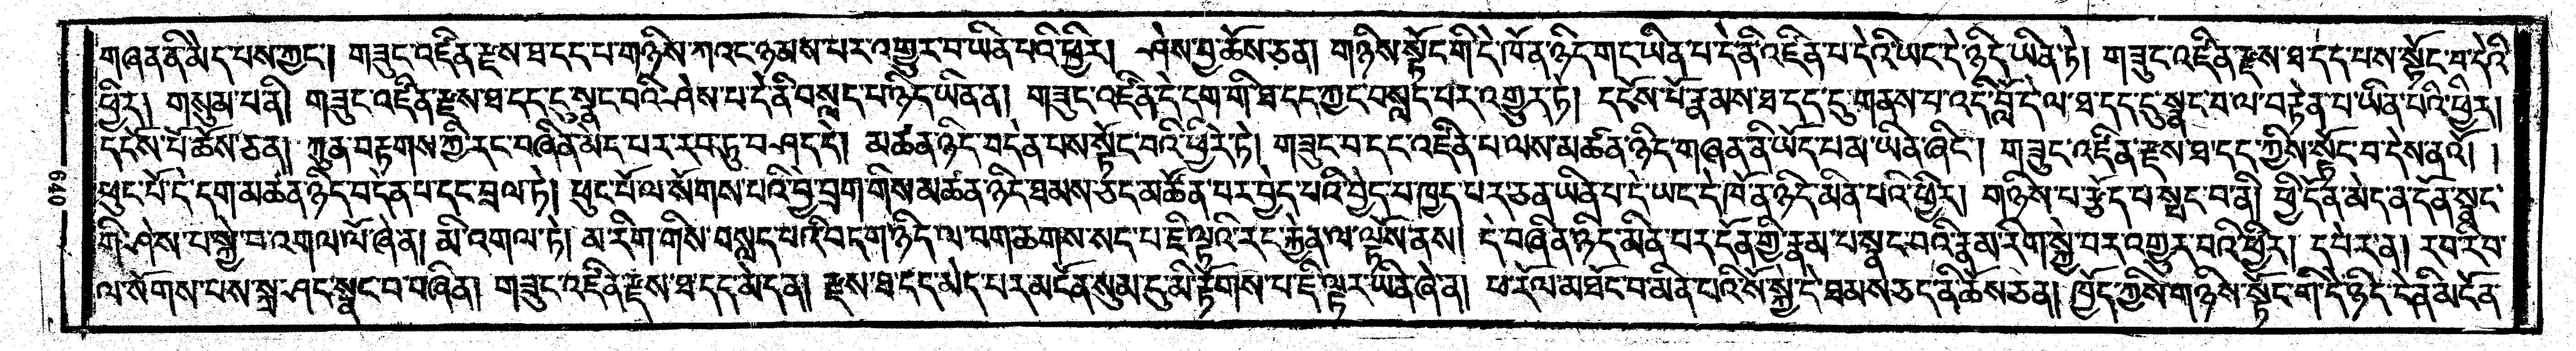གཞན་ནི་མེད་པས་ཀྱང་། གཟུང་འཛིན་རྫས་ཐ་དད་པ་གཉིས་ཀའང་ཉམས་པར་འགྱུར་པ་ཡིན་པའི་ཕྱིར། ཤེས་བྱ་ཆོས་བྱ་ཅན། གཉིས་སྟོང་གི་དེ་ཁོ་ན་ཉིད་གང་ཡིན་པ་དེ་ནི་འཛིན་པ་དེའི་ཡང་དེ་ཉིད་ཡིན་ཏེ། གཟུང་འཛིན་རྫས་ཐ་དད་པས་སྟོང་བ་དེའི་
ཕྱིར། གསུམ་པ་ནི། གཟུང་འཛིན་རྫས་ཐ་དད་དུ་སྣང་བའི་ཤེས་པ་དེ་ནི་བསླད་པ་ཉིད་པ་ཡིན་ན། གཟུང་འཛིན་དེ་དག་གི་ཐ་དད་ཀྱང་བསླད་པར་འགྱུར་ཏེ། དངོས་པོ་རྣམས་ཐ་དད་དུ་གནས་པ་འདི་བློ་དེ་ལ་ཐ་དད་དུ་སྣང་བ་ལ་བརྟེན་པ་ཡིན་པའི་ཕྱིར།
དངོས་པོ་ཆོས་ཅན། ཀུན་བརྟགས་ཀྱི་རང་བཞིན་མེད་པར་རབ་ཏུ་བཤད་དེ། མཚན་ཉིད་བདེན་པས་སྟོང་པའི་ཕྱིར་ཏེ། གཟུང་བ་དང་འཛིན་པ་ལས་མཚན་ཉིད་གཞན་ནི་ཡོད་པ་མ་ཡིན་ཞིང་། གཟུང་འཛིན་རྫས་ཐ་དད་ཀྱིས་སྟོང་བ་དེས་ནའོ། །
ཕུང་པོ་དེ་དག་མཚན་ཉིད་བདེན་པ་དང་བྲལ་ཏེ། ཕུང་པོ་ལ་སོགས་པའི་བྱེ་བྲག་གིས་མཚན་ཉིད་ཐམས་ཅད་མཚོན་པར་བྱེད་པའི་བྱེད་པ་ཁྱད་པར་ཅན་ཡིན་པ་དེ་ཡང་དེ་ཁོ་ན་ཉིད་མིན་པའི་ཕྱིར། གཉིས་པ་རྩོད་པ་སྤང་བ་ནི། ཕྱི་དོན་མེད་ན་དོན་སྣང་
གི་ཤེས་པ་སྐྱེ་བ་འགལ་ལོ་ཞེ་ན། མི་འགལ་ཏེ། མི་རིག་གིས་བསླད་པའི་བདག་ཉིད་ལ་བག་ཆགས་སད་པ་ཇི་ལྟའི་རང་རྐྱེན་ལ་ལྟོས་ནས། དེ་བཞིན་ཉིད་མིན་པར་དོན་གྱི་རྣམ་པ་སྣང་བའི་རྣམ་རིག་སྐྱེ་བར་འགྱུར་པའི་ཕྱིར། དཔེར་ན། རབ་རིབ་
ལ་སོགས་པས་སྐྲ་ཤང་སྣང་བ་བཞིན། གཟུང་འཛིན་རྫས་ཐ་དད་མེད་ན། རྫས་ཐ་དད་མེད་པར་མངོན་སུམ་དུ་མི་རྟོགས་པ་ཇི་ལྟར་ཡིན་ཞེ་ན། ཕ་རོལ་མཐོང་བ་མིན་པའི་སོ་སྐྱེ་དེ་ཐམས་ཅད་ནི་ཆོས་ཅན། ཁྱོད་ཀྱིས་གཉིས་སྟོང་གི་དེ་ཉིད་དེ་ན་མངོན་